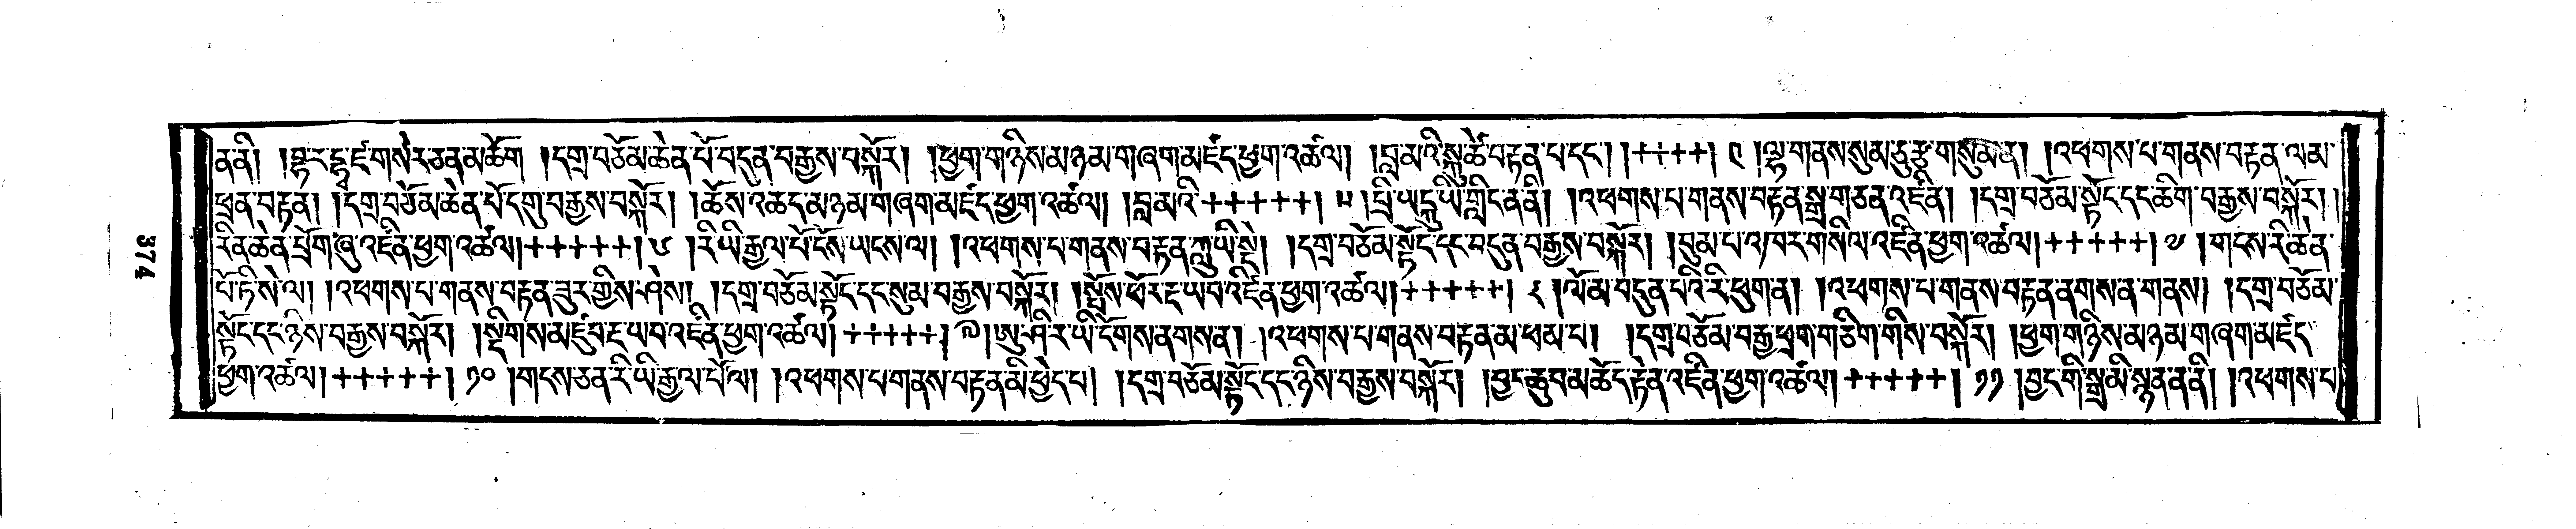ན་ནི། །བྷ་ར་དྷྭ་ཛ་གསེར་ཅན་མཆོག །དགྲ་བཅོམ་ཆེན་པོ་བདུན་བརྒྱས་བསྐོར། །ཕྱག་གཉིས་མཉམ་གཞག་མཛད་ཕྱག་འཚལ། །བླ་མའི་སྐུ་ཚེ་བརྟན་པ་དང་། ། ++++། ༤་།ལྷ་གནས་སུམ་ཅུ་རྩ་གསུམ་ན། །འཕགས་པ་གནས་བརྟན་ལམ་
ཕྲན་བརྟན། །དགྲ་བཅོམ་ཆེན་པོ་དགུ་བརྒྱས་བསྐོར། །ཆོས་འཆད་མཉམ་གཞག་མཛད་ཕྱག་འཚལ། །བླ་མའི་+++++། ༥་།པྲི་ཡངྐུ་ཡི་གླིང་ན་ནི། །འཕགས་པ་གནས་བརྟན་སྒྲ་གཅན་འཛིན། །དགྲ་བཅོམ་སྟོང་དང་ཆིག་བརྒྱས་བསྐོར།།
རིན་ཆེན་ཕྲོག་ཞུ་འཛིན་ཕྱག་འཚལ། +++++། ༦་།རི་ཡི་རྒྱལ་པོ་ངོས་ཡངས་ལ། །འཕགས་པ་གནས་བརྟན་ཀླུ་ཡི་སྡེ། །དགྲ་བཅོམ་སྟོང་དང་བདུན་བརྒྱས་བསྐོར། །བུམ་པ་འཁར་གསིལ་འཛིན་ཕྱག་འཚལ། +++++། ༧་།གངས་རི་ཆེན་
པོ་ཏི་སེ་ལ། །འཕགས་པ་གནས་བརྟན་ཟུར་གྱིས་ཤེས། །དགྲ་བཅོམ་སྟོང་དང་སུམ་བརྒྱས་བསྐོར། །སྤོས་ཕོར་རྔ་ཡབ་འཛིན་ཕྱག་འཚལ། +++++། ༨་།ལོ་མ་བདུན་པའི་རི་ཕུག་ན། །ཕགས་པ་གནས་བརྟན་ནགས་ན་གནས། །དགྲ་བཅོམ་
སྟོང་དང་ཉིས་བརྒྱས་བསྐོར། །སྡིགས་མཛུབ་རྔ་ཡབ་འཛིན་ཕྱག་འཚལ། +++++། ༩་།ཨུ་ཤི་ར་ཡི་དོགས་ནགས་ན། །འཕགས་པ་གནས་བརྟན་མ་ཕམ་པ། །དགྲ་བཅོམ་བརྒྱ་ཕྲག་གཅིག་གིས་བསྐོར། །ཕྱག་གཉིས་མཉམ་གཞག་མཛད་
ཕྱག་འཚལ། +++++། ༡༠་།གངས་ཅན་རི་ཡི་རྒྱལ་པོ་ལ། །འཕགས་པ་གནས་བརྟན་མི་ཕྱེད་པ། །དགྲ་བཅོམ་སྟོང་དང་ཉིས་བརྒྱས་བསྐོར། །བྱང་ཆུབ་མཆོད་རྟེན་འཛིན་ཕྱག་འཚལ། +++++། ༡༡་།བྱང་གི་སྒྲ་མི་སྙན་ན་ནི། །འཕགས་པ་